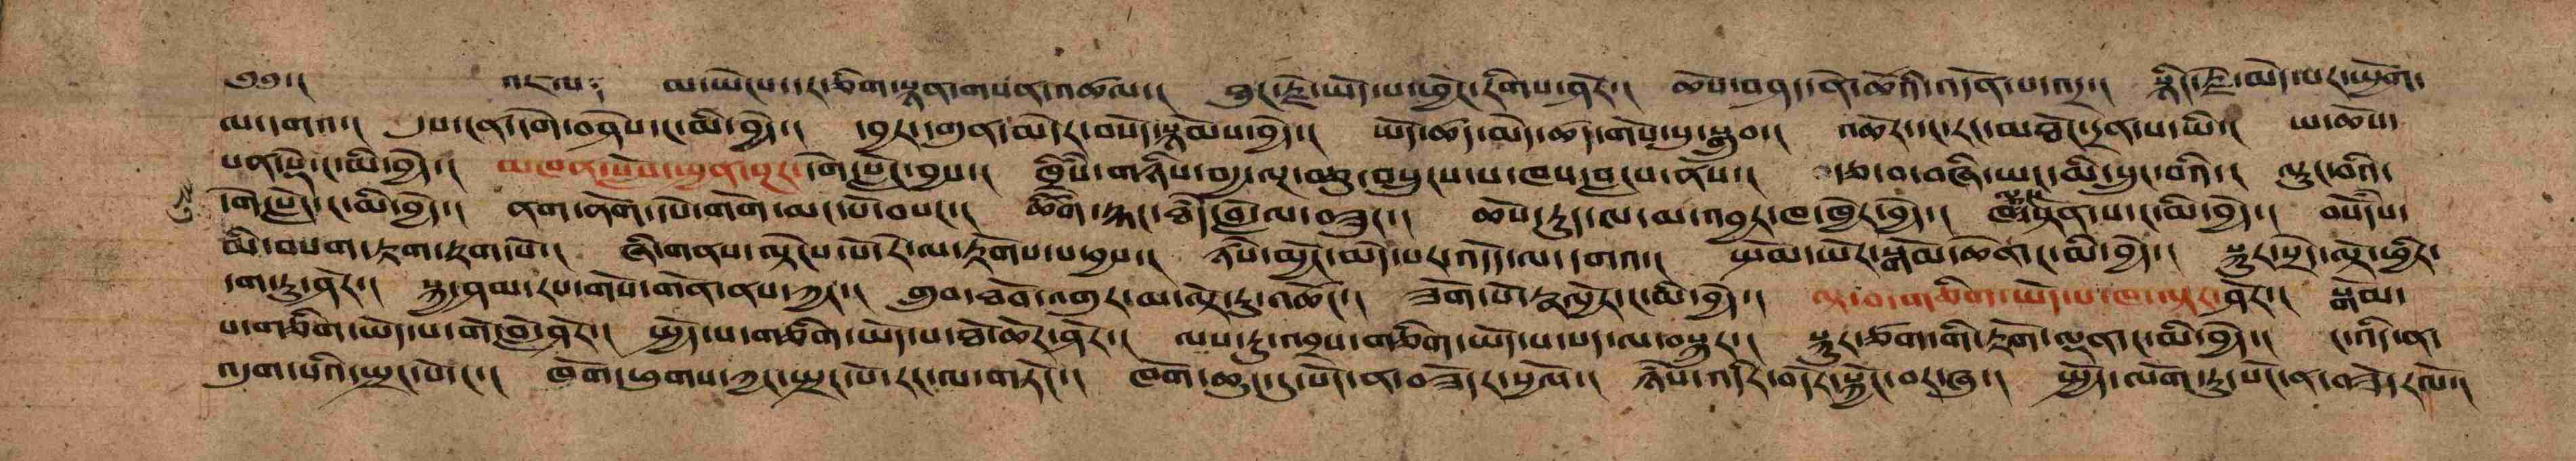༄༅།། འཇལ།། མ་ཡེངས་དར་ཅིག་སྙན་གསན་འཚལ།། ཐུགས་རྗེ་ཡོད་པ་ཕྱོགས་རིགས་ཤོར།། ཆོས་བཤད་ནེ་ཚོའི་འདོན་པ་འདྲ།། སྙིང་རྗེ་མེད་པར་གཡོག་
ལ་དགའ།། དུས་ངན་དགེ་བཤེས་ང་མི་བྱེད།། དབྱར་དགུན་མེད་པར་བསོད་སྙོམས་བྱེད།། ཡོད་ཚད་མེད་ཚད་གོས་སུ་བསྒྲུབ།། འཚོར་དང་རང་མཐོང་དྲན་པ་ཡི།། ཡ་ཆོས་
བན་དྷེ་ང་མི་བྱེད།། མཁན་སློབ་སྤྱན་སྔར་དགེ་སློང་བྱས།། ཁྲིམས་གཉིས་བརྒྱ་ལྔ་བཅུ་བསྲུངས་པ་ཁས་བླངས་ནས།། རྩ་བ་བཞི་ཡང་མི་སྲུང་བའི།་ལྟུང་བའི་
དགེ་སློང་ང་མི་བྱེད།། ནག་ནོག་དཔེ་གོག་མང་པོ་བསང་།། ཚིག་རྐང་ཐམས་ཅད་བློ་ལ་བཟུང་།། ཆོས་རྒྱུད་ལ་མ་འབྱར་ཁ་ཁྱེར་བྱེད།། ཁ་ལྟའི་སྟོན་པ་ང་མི་བྱེད།། བསོད་ནམས་
མི་བསག་རྟག་རྟག་པོ།། ཞི་གནས་ལྟེངས་པོ་རེ་ལ་རྟོག་པ་བྱས།། ཉམས་མྱོང་མེད་པར་འདོད་ལ་དགའ།། སྤོམ་ཡོར་སྒོམ་ཆེན་ང་མི་བྱེད།། སྐྱུར་སྲེད་ལྟོ་ཕྱིར་
དག་ཏུ་ཤོར།། སྐྱ་ཤམ་རས་གོས་གོན་འདུག་པའིནས་ཀྱང་།། གྲུབ་ཐོབ་འགུར་མ་ལྟོ་རུ་འཆོང་།། ཟོག་པོ་རྣལ་འབྱོར་ང་མི་བྱེད།། ལྟ་བ་གཅིག་ཡོད་པ་ཁ་ལྟར་ཤོར། སྒོམ
ང་འདི་ན་
སྤྲང་པོ་ང་།། ཁོག་ཕུགས་ཀྱང་སྤྲང་པོ་རང་ལ་གཏོང་།། ཁོག་ཆུང་དུ་སོང་ན་བཟོད་པར་གསོལ།། ཉམས་འདིར་བདེ་བར་སྐྱོང་བར་ཞུ།། སྤྱོད་ལོག་ཏུ་སོང་ན་བཟོད་པར་གསོལ།།